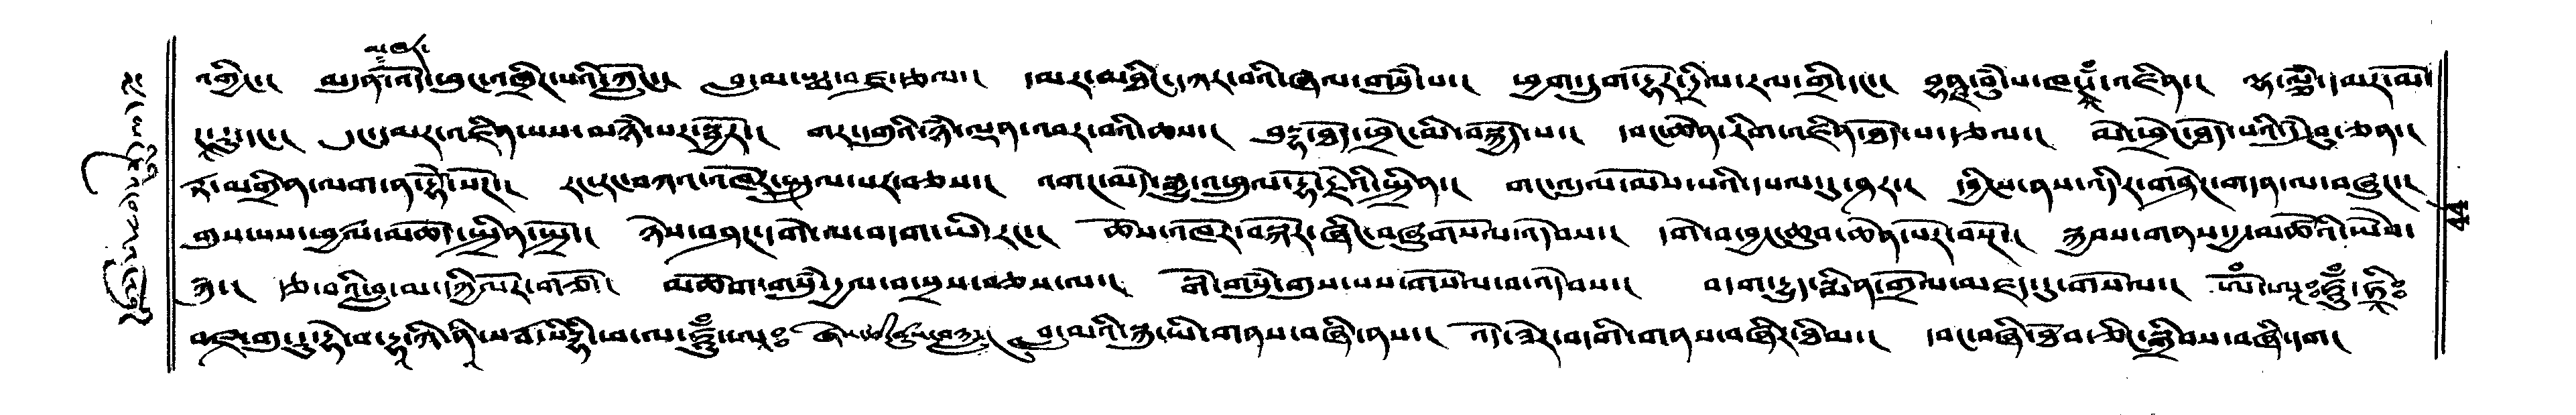འགྱིང་། །མདུན་མཁར་འོད་ཕུང་འཁྲིགས་པའི་ཀློང་། །བླ་མ་པདྨ་བཛྲ་རྩལ། །དམར་མཐིང་དཀར་བའི་ཞལ་གསུམ་པ། །ཕྱག་དྲུག་རྡོར་དྲིལ་རལ་གྲི་དང་། །བྷནྫ་བུམ་པ་ཁ་ཊྭྃ་འཛིན། །ལྷ་ལྕམ་དམར་མོ་
ཌཱ་རུ་དང་། དུང་དམར་འཛིན་པས་མཉམ་པར་སྦྱོར། །གར་དགུའི་ཉམས་ལྡན་འབར་བའི་ཆས། །བུདྡྷ་ཐོད་ཕྲེང་མི་སྐྱོད་པ། །དབང་ཆེན་རིག་འཛིན་ཐོད་པ་རྩལ། །མེ་ཕྲེང་ཐོད་པའི་དུམ་བུ་ཅན། །
རྟ་མགྲིན་ལག་ན་རྡོ་རྗེ་སོགས། །རང་རང་བཀའ་འཁོར་སྤྲུལ་པར་བཅས། །འགགས་མེད་སྒྱུ་འཕྲུལ་རྡོ་རྗེའི་སྤྲིན། །གང་འདུལ་མོས་པའི་དཔལ་དུ་ཤར། །དབྱིངས་ནས་འདིར་གཤེགས་གདན་ལ་བཞུགས། །
གུས་པས་ཕྱག་འཚལ་མཆོད་སྤྲིན་སྤྲོ། །ཉེས་བཤགས་དགེ་ལ་བདག་ཡི་རང་། །ཆོས་འཁོར་སྐོར་ཞིང་བཞུགས་གསོལ་འདེབས། །དགེ་བ་བྱང་ཆུབ་ཆེན་པོར་བསྔོ། །སྐྱབས་གནས་རྒྱ་མཚོའི་ཡེ་ཤེས་
སྐུ། །རྩ་བའི་བླ་མ་དཀྱིལ་འཁོར་གཙོ། །མཆོག་གསུམ་རྒྱལ་བ་སྲས་བཅས་ལ། །སྒོ་གསུམ་གུས་པས་གསོལ་བ་འདེབས། །བདག་རྒྱུད་སྨིན་གྲོལ་མཛད་དུ་གསོལ།ཨོཾ་ཨཱཿཧཱུྃ་ཧྲཱིཿ 
བཛྲ་གུ་རུ་དྷེ་བ་རྡཱ་ཀི་ནཱི་སརྦ་སིདྡྷི་ཕ་ལ་ཧཱུྃ་ཨཱཿ ཞེས་ཅི་ནུས་བཟླ། བླ་མའི་སྐུ་ཡི་གནས་བཞི་ནས། །འོད་ཟེར་བདག་གི་གནས་བཞིར་ཐིམ། དབང་བཞི་ཐོབ་ཅིང་སྒྲིབ་བཞི་དག